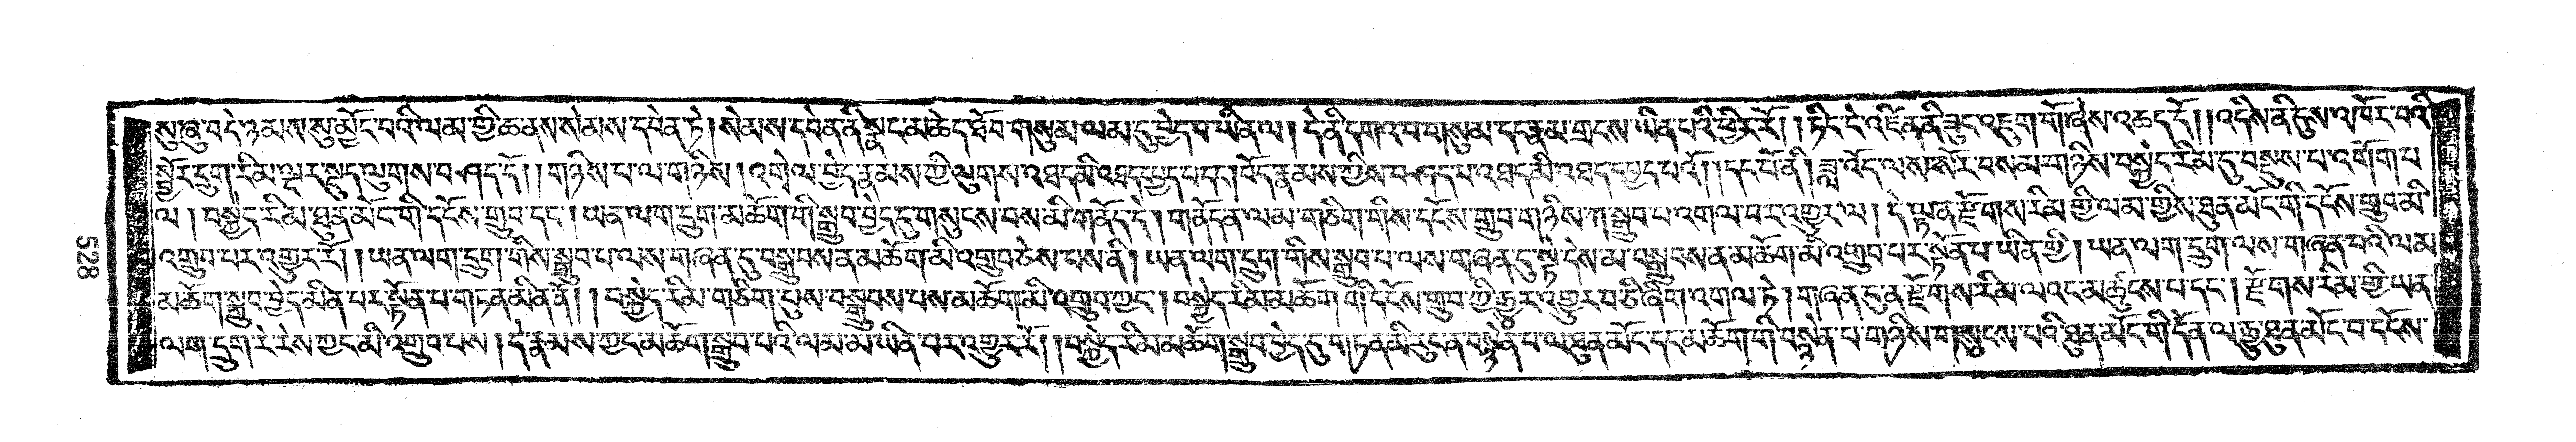སུ་ཞུ་བདེ་ཉམས་སུ་མྱོང་བའི་ལམ་གྱི་ཆ་ནས་སེམས་དབེན་ཏེ། སེམས་དབེན་ནི་སྣང་མཆེད་ཐོབ་གསུམ་ལམ་དུ་བྱེད་པ་ཡིན་ལ། དེ་ནི་དགའ་བ་གསུམ་དང་རྣམ་གྲངས་ཡིན་པའི་ཕྱིར་རོ། །ཏིང་ངེ་འཛིན་ནི་ཟུང་འཇུག་གོ་ཞེས་འཆད་དོ། །འདིས་ནི་དུས་འཁོར་བའི་
སྦྱོར་དྲུག་རིམ་ལྔར་སྡུད་ལུགས་བཤད་དོ། །གཉིས་པ་ལ་གཉིས། འགྲེལ་བྱེད་རྣམས་ཀྱི་ལུགས་འཐད་མི་འཐད་དཔྱད་པ་དང་། བོད་རྣམས་ཀྱིས་བཤད་པ་འཐད་མི་འཐད་དཔྱད་པའོ། །དང་པོ་ནི། ཟླ་འོད་ལས་སོར་བསམ་གཉིས་བསྐྱེད་རིམ་དུ་བསྡུས་པ་འགོག་པ་
ལ། བསྐྱེད་རིམ་ཐུན་མོང་གི་དངོས་གྲུབ་དང་། ཡན་ལག་དྲུག་མཆོག་གི་སྒྲུབ་བྱེད་དུ་གསུངས་བས་མི་གནོད་དེ། གནོད་ན་ལམ་གཅིག་གིས་དངོས་གྲུབ་གཉིས་ཀ་སྒྲུབ་པ་འགལ་བར་འགྱུར་ལ། དེ་ལྟ་ན་རྫོགས་རིམ་གྱི་ལམ་གྱིས་ཐུན་མོང་གི་དངོས་གྲུབ་མི་
འགྲུབ་པར་འགྱུར་རོ། །ཡན་ལག་དྲུག་གིས་སྒྲུབ་པ་ལས་གཞན་དུ་བསྒྲུབས་ན་མཆོག་མི་འགྲུབ་ཅེས་པས་ནི། ཡན་ལག་དྲུག་གིས་སྒྲུབ་པ་ལས་གཞན་དུ་སྟེ་དེས་མ་བསྒྲུབས་ན་མཆོག་མི་འགྲུབ་པར་སྟོན་པ་ཡིན་གྱི། ཡན་ལག་དྲུག་ལས་གཞན་པའི་ལམ་
མཆོག་སྒྲུབ་བྱེད་མིན་པར་སྟོན་པ་གཏན་མིན་ནོ། །བསྐྱེད་རིམ་གཅིག་པུས་བསྒྲུབས་པས་མཆོག་མི་འགྲུབ་ཀྱང་། བསྐྱེད་རིམ་མཆོག་གི་དངོས་གྲུབ་ཀྱི་རྒྱུར་འགྱུར་བ་ཅི་ཞིག་འགལ་ཏེ། གཞན་དུ་ན་རྫོགས་རིམ་ལའང་མཚུངས་པ་དང་། རྫོགས་རིམ་གྱི་ཡན་
ལག་དྲུག་རེ་རེས་ཀྱང་མི་འགྲུབ་པས། དེ་རྣམས་ཀྱང་མཆོག་སྒྲུབ་པའི་ལམ་མ་ཡིན་པར་འགྱུར་རོ། །བསྐྱེད་རིམ་མཆོག་སྒྲུབ་བྱེད་དུ་གཏན་མི་རུང་ན་བསྙེན་པ་ལ་ཐུན་མོང་དང་མཆོག་གི་བསྙེན་པ་གཉིས་གསུངས་པའི་ཐུན་མོང་གི་དོན་ལ་རྒྱུ་ཐུན་མོང་བ་དངོས་